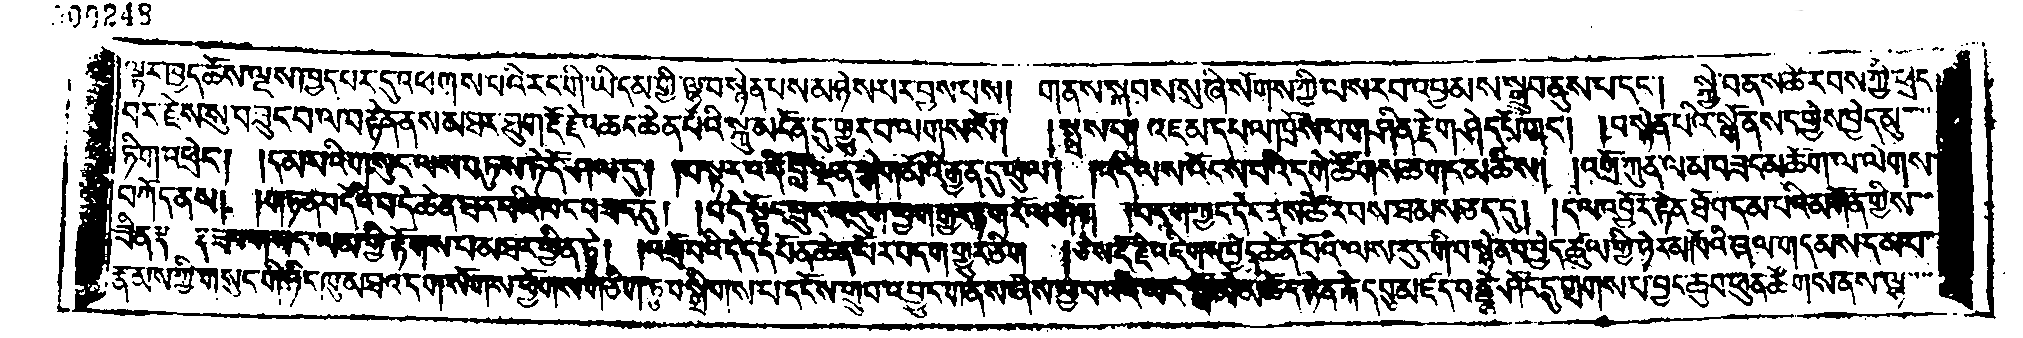ལྟར་ཁྱད་ཆོས་ལྔས་ཁྱད་པར་དུ་འཕགས་པའི་རང་གི་ཡི་དམ་གྱི་ལྷ་བསྙེན་པས་མཉེས་པར་བྱས་པས། གནས་སྐབས་སུ་ཞི་སོགས་ཀྱི་ལས་རབ་འབྱམས་སྒྲུབ་ནུས་པ་དང་། སྐྱེ་བ་ནས་ཚེ་རབས་ཀྱི་ཕྲེང་
བར་རྗེས་སུ་བཟུང་བ་ལ་བརྟེན་ནས་མཐར་ཐུག་རྡོ་རྗེ་འཆང་ཆེན་པོའི་སྐུ་མངོན་དུ་གྱུར་བ་ལགས་སོ། །སྨྲས་པ། འཇམ་དཔལ་ཁྲོས་པ་གཤིན་རྗེ་གཤེད་པོ་གང་། །བསྙེན་པའི་སྒོ་ནས་དགྱེས་བྱེད་མུ་
ཏིག་འཕྲེང་། །དམ་པའི་གསུང་ལས་བཏུས་ཏེ་དོ་ཤལ་དུ། །བསྟར་འདི་བློ་ལྡན་སྒེག་མོའི་རྒྱན་དུ་ཕུལ། །འདི་ལས་འོངས་པའི་དགེ་ཚོགས་ཆ་གང་མཆིས། །འགྲོ་ཀུན་ལམ་བཟང་མཆོག་ལ་ལེགས་
བཀོད་ནས། །གཏན་བདེའི་བདེ་ཆེན་ཐར་བའི་ཁང་བཟང་དུ། །བདེ་སྟོང་ཟུང་འཇུག་ཕྱག་རྒྱར་རྟག་རོལ་ཤོག །བདག་ཀྱང་དེང་ནས་ཚེ་རབས་ཐམས་ཅད་དུ། །དལ་འབྱོར་རྟེན་ཐོབ་དམ་པའི་མགོན་གྱིས་
ཟིན། །ཟབ་གསང་ལམ་གྱི་རྟོགས་པ་མཐར་ཕྱིན་ཏེ། །འགྲོ་བའི་དེད་དཔོན་ཆེན་པོར་བདག་གྱུར་ཅིག །ཅེས་རྡོ་རྗེ་འཇིགས་བྱེད་ཆེན་པོའི་ལས་རུང་གི་བསྙེན་པ་བྱེད་ཚུལ་གྱི་ཉེར་མཁོའི་ཞལ་གདམས་དམ་པ་
རྣམས་ཀྱི་གསུང་གི་ཉིང་ཁུ་མཐའ་དག་སོགས་ཕྱོགས་གཅིག་ཏུ་བསྒྲིགས་པ་དངོས་གྲུབ་འབྱུང་གནས་ཞེས་བྱ་བ་འདི་ཡང་སྒོ་མེ་མཆོད་རྟེན་རྐེ་དབུ་མཛད་བནྡྷེ་ཤོང་དུ་གྲགས་པ་བྱང་ཆུབ་ཕུན་ཚོགས་ནས་ལྷ་